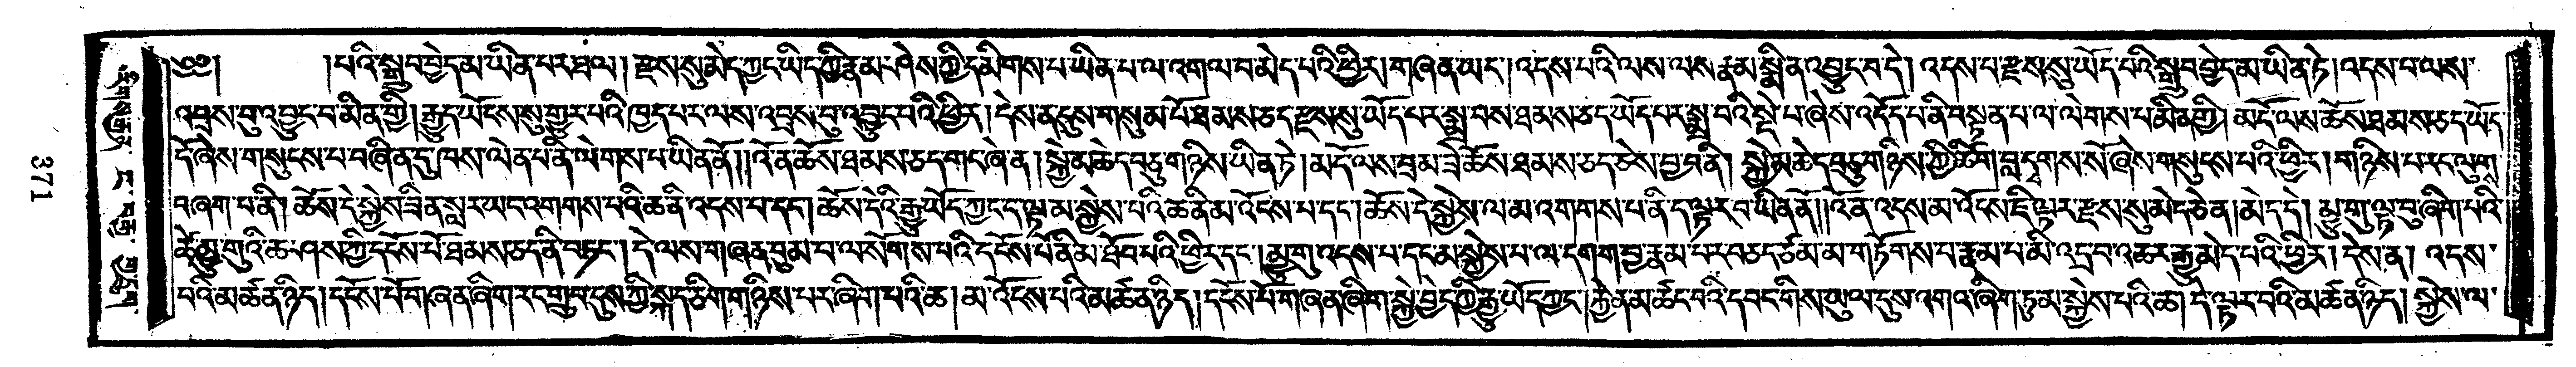༄༅། །པའི་སྒྲུབ་བྱེད་མ་ཡིན་པར་ཐལ། རྫས་སུ་མེད་ཀྱང་ཡིད་ཀྱི་རྣམ་ཤེས་ཀྱི་དམིགས་པ་ཡིན་པ་ལ་འགལ་བ་མེད་པའི་ཕྱིར། གཞན་ཡང་། འདས་པའི་ལས་ལས་རྣམ་སྨིན་འབྱུང་བ་དེ། འདས་པ་རྫས་སུ་ཡོད་པའི་སྒྲུབ་བྱེད་མ་ཡིན་ཏེ། འདས་པ་ལས་
འབྲས་བུ་འབྱུང་བ་མིན་གྱི། རྒྱུད་ཡོངས་སུ་གྱུར་པའི་ཁྱད་པར་ལས་འབྲས་བུ་འབྱུང་བའི་ཕྱིར། དེས་ན་དུས་གསུམ་པོ་ཐམས་ཅད་རྫས་སུ་ཡོད་པར་སྨྲ་བས་ཐམས་ཅད་ཡོད་པར་སྨྲ་བའི་སྡེ་པ་ཞེས་འདོད་པ་ནི་བསྟན་པ་ལ་ལེགས་པ་མིན་གྱི། མདོ་ལས་ཆོས་ཐམས་ཅད་ཡོད་
དོ་ཞེས་གསུངས་པ་བཞིན་དུ་ཁས་ལེན་པ་ནི་ལེགས་པ་ཡིན་ནོ། །འོ་ན་ཆོས་ཐམས་ཅད་གང་ཞེ་ན། སྐྱེ་མཆེད་བཅུ་གཉིས་ཡིན་ཏེ། མདོ་ལས་བྲམ་ཟེ་ཆོས་ཐམས་ཅད་ཅེས་བྱ་བ་ནི། སྐྱེ་མཆེད་བཅུ་གཉིས་ཀྱི་ཚིག་བླ་དྭགས་སོ་ཞེས་གསུངས་པའི་ཕྱིར། གཉིས་པ་རང་ལུགས་
བཞག་པ་ནི། ཆོས་དེ་སྐྱེས་ཟིན་སླར་ཡང་འགགས་པའི་ཆ་ནི་འདས་པ་དང་། ཆོས་དེའི་རྒྱུ་ཡོད་ཀྱང་ད་ལྟ་མ་སྐྱེས་པའི་ཆ་ནི་མ་འོངས་པ་དང་། ཆོས་དེ་སྐྱེས་ལ་མ་འགགས་པ་ནི་ད་ལྟར་བ་ཡིན་ནོ། །འོ་ན་འདས་མ་འོངས་ཇི་ལྟར་རྫས་སུ་མེད་ཅེ་ན། མེད་དེ། མྱུ་གུ་ལྟ་བུ་ཞིག་པའི་
ཚེ་མྱུ་གུའི་ཆ་ཤས་ཀྱི་དངོས་པོ་ཐམས་ཅད་ནི་བཏང་། དེ་ལས་གཞན་བུམ་པ་ལ་སོགས་པའི་དངོས་པོ་ནི་མ་ཐོབ་པའི་ཕྱིར་དང་། མྱུ་གུ་འདས་པ་དང་མ་སྐྱེས་པ་ལ་དགག་བྱ་རྣམ་པར་བཅད་ཙམ་མ་གཏོགས་པ་རྣམ་པ་མི་འདྲ་བ་འཆར་རྒྱུ་མེད་པའི་ཕྱིར། དེས་ན། འདས་
པའི་མཚན་ཉིད། དངོས་པོ་གཞན་ཞིག་རང་གྲུབ་དུས་ཀྱི་སྐད་ཅིག་གཉིས་པར་ཞིག་པའི་ཆ། མ་འོངས་པའི་མཚན་ཉིད། དངོས་པོ་གཞན་ཞིག་སྐྱེ་བྱེད་ཀྱི་རྒྱུ་ཡོད་ཀྱང་། རྐྱེན་མ་ཚང་བའི་དབང་གིས་ཡུལ་དུས་འགའ་ཞིག་ཏུ་མ་སྐྱེས་པའི་ཆ། ད་ལྟར་བའི་མཚན་ཉིད། སྐྱེས་ལ་